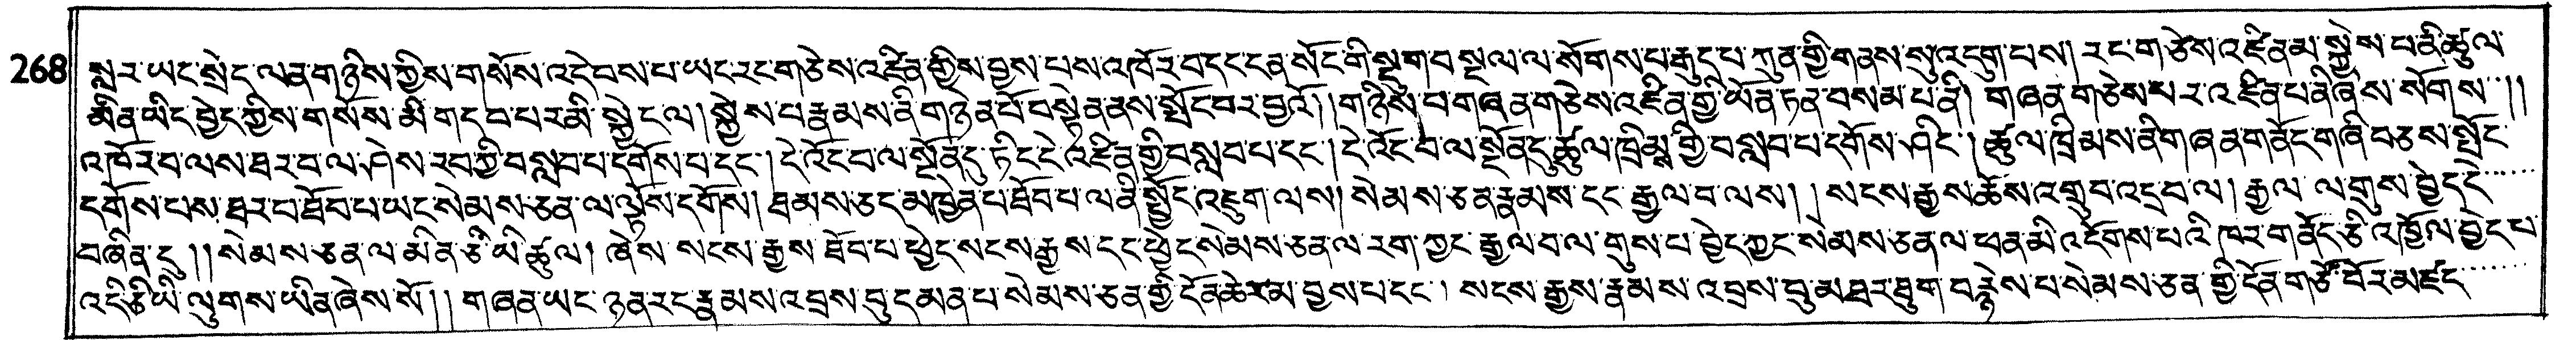སླར་ཡང་སྲེད་ལན་གཉིས་ཀྱིས་གསོས་འདེབས་པ་ཡང་རང་གཅེས་འཛིན་གྱིས་བྱས་པས་འཁོར་བ་དང་ངན་སོང་གི་སྡུག་བསྔལ་ལ་སོགས་པ་རྒུད་པ་ཀུན་གྱི་གནས་སུ་འདུག་པས། རང་གཅེས་འཛིན་མ་སྐྱེས་པ་ནི་ཚུལ་
མིན་ཡིད་བྱེད་ཀྱིས་གསོས་མི་གདབ་པར་མི་སྐྱེད་ལ། སྐྱེས་པ་རྣམས་ནི་གཉེན་པོ་བསྟེན་ནས་སྤོང་བར་བྱའོ། །གཉིས་པ་གཞན་གཅེས་འཛིན་གྱི་ཡོན་ཏན་བསམ་པ་ནི། གཞན་གཅེས་པར་འཛིན་པ་ནི་ཞེས་སོགས། །
འཁོར་བ་ལས་ཐར་བ་ལ་ཤེས་རབ་ཀྱི་བསླབ་པ་དགོས་པ་དང་། དེ་འོང་བ་ལ་སྔོན་དུ་ཏིང་ངེ་འཛིན་གྱི་བསླབ་པ་དང་། དེ་འོང་བ་ལ་སྔོན་དུ་ཚུལ་ཁྲིམས་གྱི་བསླབ་པ་དགོས་ཤིང་། ཚུལ་ཁྲིམས་ནི་གཞན་གནོད་གཞི་བཅས་སྤོང་
དགོས་པས་ཐར་པ་ཐོབ་པ་ཡང་སེམས་ཅན་ལ་ལྟོས་དགོས། ཐམས་ཅད་མཁྱེན་པ་ཐོབ་པ་ལ་ནི་སྤྱོད་འཇུག་ལས། སེམས་ཅན་རྣམས་དང་རྒྱལ་བ་ལས། །སངས་རྒྱས་ཆོས་འགྲུབ་འདྲ་བ་ལ། རྒྱལ་ལ་གུས་བྱེད་དེ་
བཞིན་དུ། །སེམས་ཅན་ལ་མིན་ཅི་ཡི་ཚུལ། ཞེས་སངས་རྒྱས་ཐོབ་པ་ཕྱེད་སངས་རྒྱས་དང་ཕྱེད་སེམས་ཅན་ལ་རག་ཀྱང་རྒྱལ་བ་ལ་གུས་པ་བྱེད་ཀྱང་སེམས་ཅན་ལ་ཕན་མི་འདོགས་པའི་ཁར་གནོད་ཅི་འཁྱོལ་བྱེད་པ་
འདི་ཅི་ཡི་ལུགས་ཡིན་ཞེས་སོ། །གཞན་ཡང་ཉན་རང་རྣམས་འབྲས་བུ་དམན་པ་སེམས་ཅན་གྱི་དོན་ཆེར་མ་བྱས་པ་དང་། སངས་རྒྱས་རྣམས་འབྲས་བུ་མཐར་ཐུག་བརྙེས་པ་སེམས་ཅན་གྱི་དོན་གཙོ་བོར་མཛད་